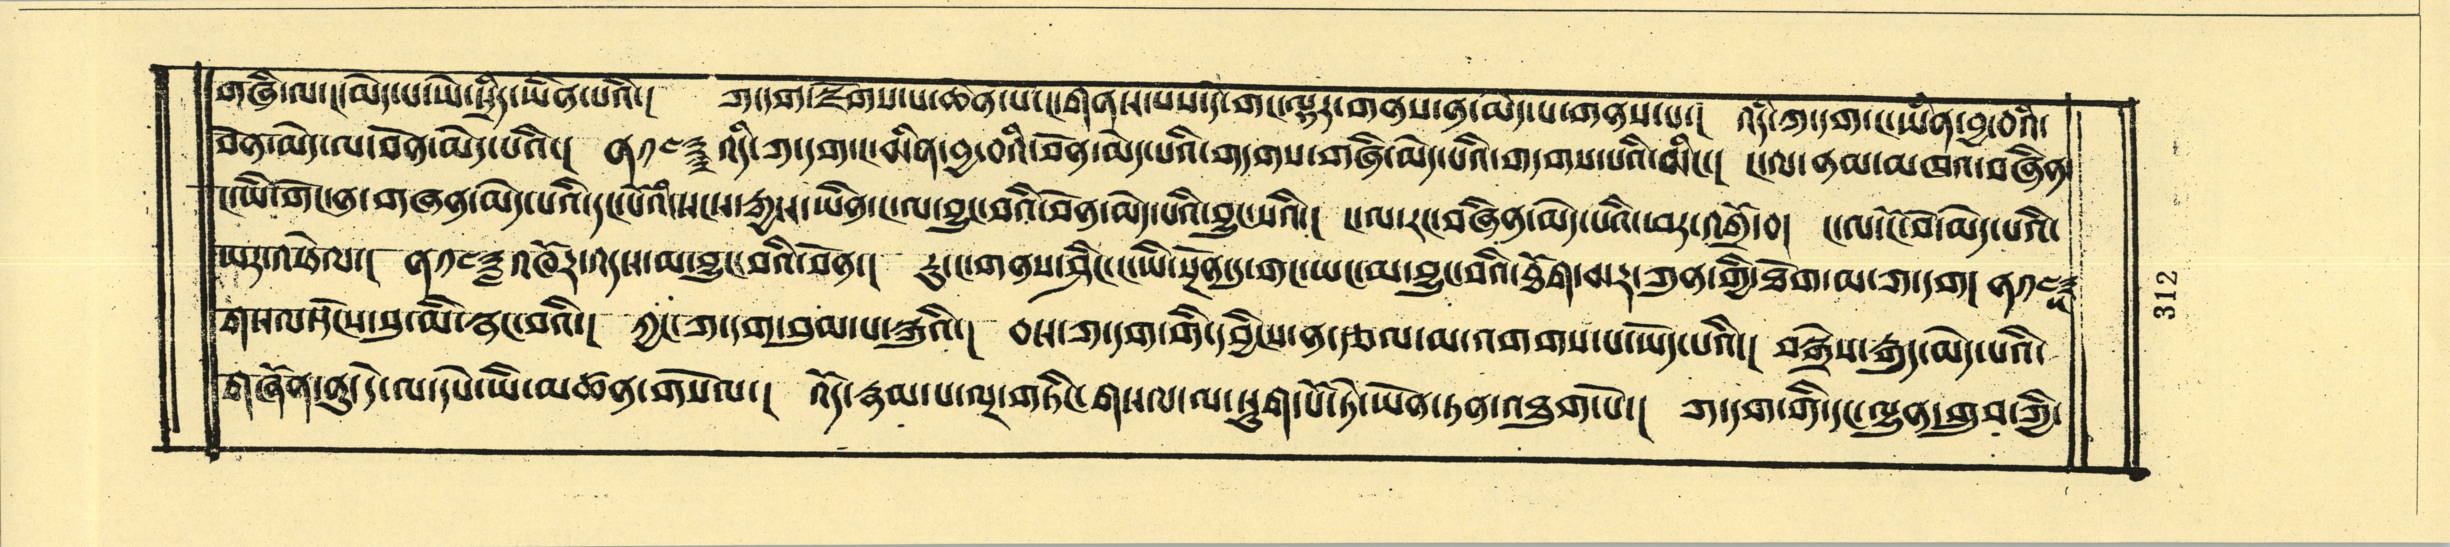གཞི་ལ་ང་མེད་པ་ ༼ཡེ་སྲིད་༽ཡིན་པའི། ཀ་དག་སྫོགས་པ་ཆེན་པོ་ ༼ང་གནས་༽པས་དེ་གང་ལྟར་གནས་ན་མེད་པ་གནས་པ། འདི་ཀ་དག་ང་ཡིན་ ༼བྱ་བའི་༽
བོན་མེད་ལ་བོན་མེད་པའི། ན༡༤༣།༣ ༼འདི་༽ཀ་དག་ང་ ༼མིན་བྱ་བའི་༽བོན་མེད་པའི་གདགས་གཞི་མེད་པའི་གདགས་པའི་ ༼མིང།༽ ༼ང་ལ་༽ནམ་མཁའ་བཞིན་
ང་ཡི་གོང་ན་གཞན་མེད་པའི་ ༼དང་པོའི་སངས་རྒྱས་༽ཡིན་ང་ལ་བྱུང་བའི་བོན་མེད་པའི་བྱུས་སའི། ང་ལ་རང་བཞིན་མེད་པའི་བར་ ༼འགྲོ་བ།༽ང་ལ་ ༼ངོ་༽བོ་མེད་པའི་ 
༼ཡར་འཕེལ་༽ན༡༤༣།༤ ༼འཁོར་འདས་༽མ་བྱུང་བའི་བོན། རུ་ང་གནས་ཤིང་ང་ཡི་སྔོན་དུ་གང་ཡང་མ་བྱུང་བའི་ ༼ཐོག་མར་༽ཀུན་གྱི་ཐོག་མ་ཀ་དག ན༡༤༣།༥ 
གསལ་དངོས་སུ་མི་སྣང་བའི། ༼ཀྱང་༽ཀ་དག་བུམ་པ་སྐུའི། ༼བས་༽ཀ་དག་གི་དབྱིངས་ན་རྩལ་མ་འགགས་པ་ཡོད་པའི། བསྒྲེས་རྒུད་མེད་པའི་
གཞོན་ནུ་དེ་ལ་དཔེ་ཡི་མཚན་གསོལ། ༼འོད་༽རྣམ་པ་ལྔ་གཏིང་ ༼གསལ་༽ལ་ ༼སྡུག་པོ་ཏེ་༽ཡོན་ཏན་འཐུག་པོ། ཀ་དག་གི་དང་ལྷུན་གྲུབ་ཀྱི་